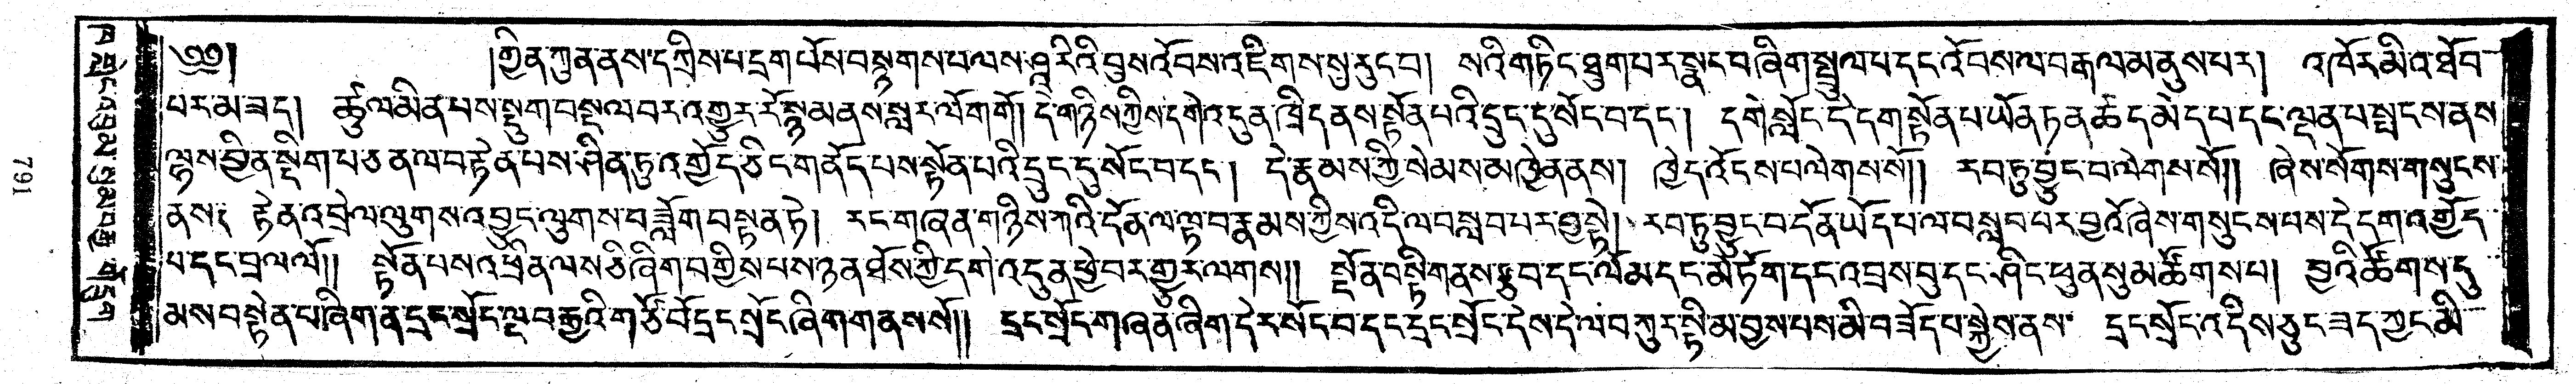༄༅། །གྱིན་ཀུན་ནས་དཀྲིས་པ་དྲག་པོས་བསྙགས་པ་ལས་ཤཱ་རིའི་བུས་འོབས་འཇིགས་སུ་རུང་བ། སའི་གཏིང་ཐུག་པར་སྣང་བ་ཞིག་སྤྲུལ་པ་དང་འོ་བས་ལ་བརྒལ་མ་ནུས་པར། འཁོར་མི་འཐོབ་
པར་མ་ཟད། ཚུལ་མིན་པས་སྡུག་བསྔལ་བར་འགྱུར་རོ་སྙམ་ནས་སླར་ལོག་གོ། དེ་གཉིས་ཀྱིས་དགེ་འདུན་ཁྲིད་ནས་སྟོན་པའི་དྲུང་དུ་སོང་བ་དང་། དགེ་སློང་དེ་དག་སྟོན་པ་ཡོན་ཏན་ཚད་མེད་པ་དང་ལྡན་པ་སྤངས་ནས་
ལྷས་བྱིན་སྡིག་པ་ཅན་ལ་བརྟེན་པས་ཤིན་ཏུ་འགྱོད་ཅིང་གནོད་པས་སྟོན་པའི་དྲུང་དུ་སོང་བ་དང་། དེ་རྣམས་ཀྱི་སེམས་མཁྱེན་ནས། ཁྱེད་འོངས་པ་ལེགས་སོ།། རབ་ཏུ་བྱུང་བ་ལེགས་སོ།། ཞེས་སོགས་གསུངས་
ནས༑ རྟེན་འབྲེལ་ལུགས་འབྱུང་ལུགས་བཟློག་བསྟན་ཏེ། རང་གཞན་གཉིས་ཀའི་དོན་ལ་ལྟ་བ་རྣམས་ཀྱིས་འདི་ལ་བསླབ་པར་བྱ་སྟེ། རང་འོངས་པ་ལེགས་སོ།། རབ་ཏུ་བྱུང་བ་ལེགས་སོ།། ཞེས་སོགས་གསུངས་
པ་དང་བྲལ་ལོ།། སྟོན་པས་འཕྲིན་ལས་ཅི་ཞིག་བགྱིས་པས་ཉན་ཐོས་ཀྱི་དགེ་འདུན་ཕྱེ་བར་གྱུར་ལགས།། སྔོན་བསྟི་གནས་རྩབ་དང་ལོམ་དང་མེ་ཏོག་དང་འབྲས་བུ་དང་ཤིང་ཕུན་སུམ་ཚོགས་པ། བྱའི་ཚོགས་དུ་
མས་བསྟེན་པ་ཞིག་ན་དྲང་སྲོང་ལྔ་བརྒྱའི་གཙོ་བོ་དྲང་སྲོང་ཞིག་གནས་སོ།། དྲང་སྲོང་གཞན་ཞིག་དེར་སོང་བ་དང་དྲང་སྲོང་དེས་དེ་ལ་བཀུར་སྟི་མ་བྱས་པས་མི་བཟོད་པ་སྐྱེས་ནས། དྲང་སྲོང་འདིས་ཅུང་ཟད་ཀྱང་མི་